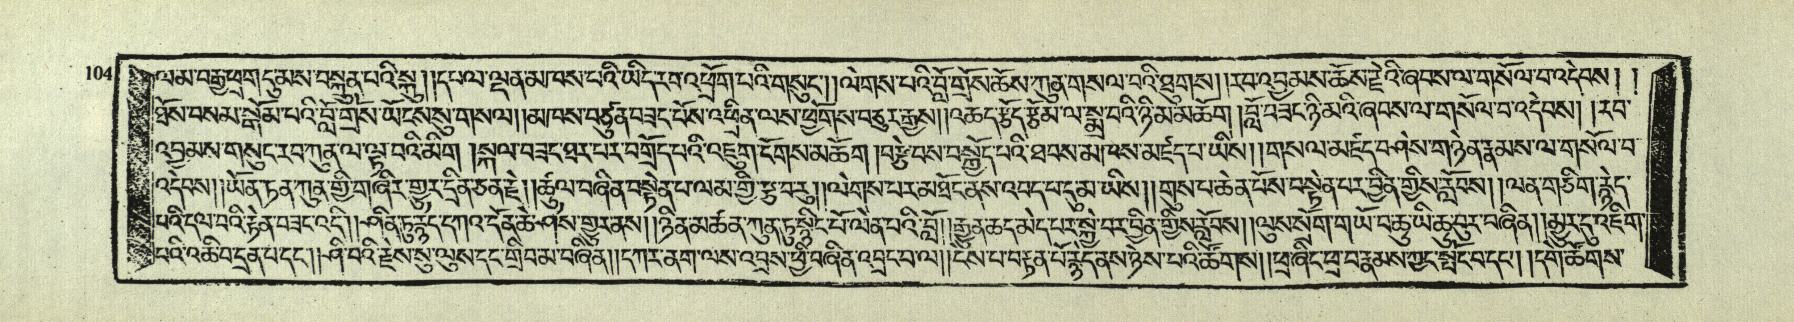ལམ་བརྒྱ་ཕྲག་དུ་མས་བསྐྲུན་པའི་སྐུ། །དཔལ་ལྡན་མཁས་པའི་ཡིད་རབ་འཕྲོག་པའི་གསུང་། །ལེགས་པའི་བློ་གྲོས་ཆོས་ཀུན་གསལ་བའི་ཐུགས། །རབ་འབྱམས་ཆོས་རྗེའི་ཞབས་ལ་གསོལ་བ་འདེབས། །
ཐོས་བསམ་སྒོམ་པའི་བློ་གྲོས་ཡོངས་སུ་གསལ། །མཁས་བཙུན་བཟང་པོས་འཕྲིན་ལས་ཕྱོགས་བཅུར་རྒྱས། །འཆད་རྩོད་རྩོམ་ལ་སྨྲ་བའི་ཉི་མ་མཆོག །བློ་བཟང་ཉི་མའི་ཞབས་ལ་གསོལ་བ་འདེབས། །རབ་
འབྱམས་གསུང་རབ་ཀུན་ལ་ལྟ་བའི་མིག །སྐལ་བཟང་ཐར་པར་བགྲོད་པའི་འཇུག་ངོགས་མཆོག །བརྩེ་བས་བསྐྱོད་པའི་ཐབས་མཁས་མཛད་པ་ཡིས། །གསལ་མཛད་བཤེས་གཉེན་རྣམས་ལ་གསོལ་བ་
འདེབས། །ཡོན་ཏན་ཀུན་གྱི་གཞིར་གྱུར་དྲིན་ཅན་རྗེ། །ཚུལ་བཞིན་བསྟེན་པ་ལམ་གྱི་རྩ་བ་རུ། །ལེགས་པར་མཐོང་ནས་འབད་པ་དུ་མ་ཡིས། །གུས་པ་ཆེན་པོས་བསྟེན་པར་བྱིན་གྱིས་རློབས། །ལན་གཅིག་རྙེད་
པའི་དལ་བའི་རྟེན་བཟང་འདི། །ཤིན་ཏུ་རྙེད་དཀའ་དོན་ཆེ་ཤེས་གྱུར་ནས། །ཉིན་མཚན་ཀུན་ཏུ་སྙིང་པོ་ལེན་པའི་བློ། །རྒྱུན་ཆད་མེད་པར་སྐྱེ་བར་བྱིན་གྱིས་རློབས། །ལུས་སྲོག་གཡོ་བ་ཆུ་ཡི་ཆུ་བུར་བཞིན། །མྱུར་དུ་འཇིག་
པའི་འཆི་བ་དྲན་པ་དང་། །ཤི་བའི་རྗེས་སུ་ལུས་དང་གྲིབ་མ་བཞིན། །དཀར་ནག་ལས་འབྲས་ཕྱི་བཞིན་འབྲང་བ་ལ། །ངེས་པ་བརྟན་པོ་རྙེད་ནས་ཉེས་པའི་ཚོགས། །ཕྲ་ཞིང་ཕྲ་བ་རྣམས་ཀྱང་སྤོང་བ་དང་། །དགེ་ཚོགས་